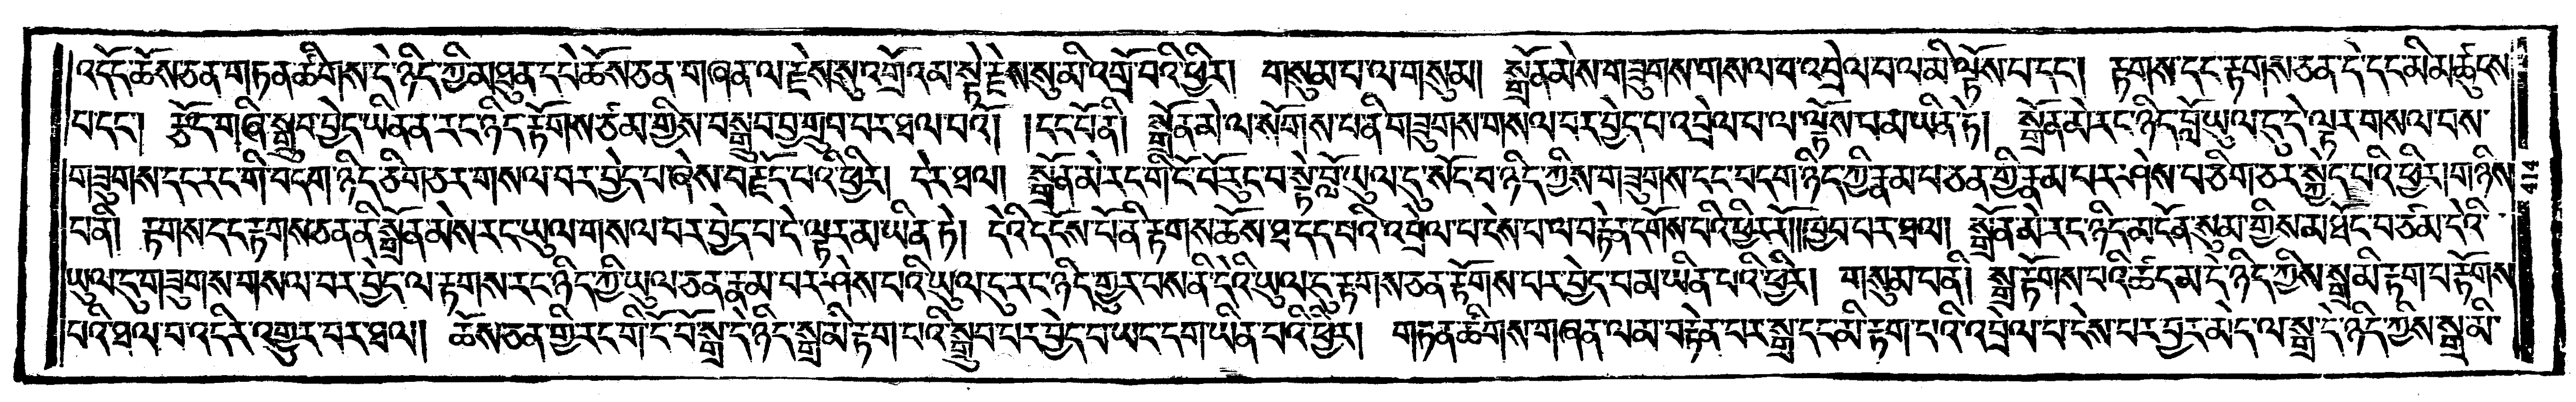འདོད་ཆོས་ཅན་གཏན་ཚིགས་དེ་ཉིད་ཀྱི་མཐུན་དཔེ་ཆོས་ཅན་གཞན་ལ་རྗེས་སུ་འགྲོའམ་སྟེ་རྗེས་སུ་མི་འགྲོ་བའི་ཕྱིར། གསུམ་པ་ལ་གསུམ། སྒྲོན་མེས་གཟུགས་གསལ་བ་འབྲེལ་བ་ལ་མི་ལྟོས་པ་དང་། རྟགས་དང་རྟགས་ཅན་དེ་དང་མི་མཚུངས་
པ་དང་། རྩོད་གཞི་སྒྲུབ་བྱེད་ཡིན་ན་རང་ཉིད་རྟོགས་ཙམ་གྱིས་བསྒྲུབ་བྱ་གྲུབ་པར་ཐལ་བའོ། །དང་པོ་ནི། སྒྲོན་མེ་ལ་སོགས་པ་ནི་གཟུགས་གསལ་བར་བྱེད་པ་འབྲེལ་པ་ལ་ལྟོས་པ་མ་ཡིན་ཏེ། སྒྲོན་མེ་རང་ཉིད་བློ་ཡུལ་དུ་དེ་ལྟར་གསལ་བས་
གཟུགས་དང་རང་གི་བདག་ཉིད་ཅིག་ཅར་གསལ་བར་བྱེད་པ་ཞེས་བརྗོད་པའི་ཕྱིར། དེར་ཐལ། སྒྲོན་མེ་རང་གི་ངོ་བོ་རུང་བ་སྟེ་བློ་ཡུལ་དུ་སོང་བ་ཉིད་ཀྱིས་གཟུགས་དང་བདག་ཉིད་ཀྱི་རྣམ་པ་ཅན་གྱི་རྣམ་པར་ཤེས་པ་ཅིག་ཅར་སྐྱེད་པའི་ཕྱིར། གཉིས་
པ་ནི། རྟགས་དང་རྟགས་ཅན་ནི་སྒྲོན་མེས་རང་ཡུལ་གསལ་བར་བྱེད་པ་དེ་ལྟར་མ་ཡིན་ཏེ། དེའི་དངོས་པོ་ནི་རྟགས་ཆོས་ཐ་དད་པའི་འབྲེལ་པ་ངེས་པ་ལ་བརྟེན་དགོས་པའི་ཕྱིར་རོ། །ཁྱབ་པར་ཐལ། སྒྲོན་མེ་རང་ཉིད་མངོན་སུམ་གྱིས་མཐོང་བ་ཙམ་དེའི་
ཡུལ་དུ་གཟུགས་གསལ་བར་བྱེད་ལ་རྟགས་རང་ཉིད་ཀྱི་ཡུལ་ཅན་རྣམ་པར་ཤེས་པའི་ཡུལ་དུ་རང་ཉིད་གྱུར་པས་ནི་དེའི་ཡུལ་དུ་རྟགས་ཅན་རྟོགས་པར་བྱེད་པ་མ་ཡིན་པའི་ཕྱིར། གསུམ་པ་ནི། སྒྲ་རྟོགས་པའི་ཚད་མ་དེ་ཉིད་ཀྱིས་སྒྲ་མི་རྟག་པ་རྟོགས་
པའི་ཐལ་བ་འདིར་འགྱུར་པར་ཐལ། ཆོས་ཅན་གྱི་རང་གི་ངོ་བོ་སྒྲ་དེ་ཉིད་སྒྲ་མི་རྟག་པའི་སྒྲུབ་པར་བྱེད་པ་ཡང་དག་ཡིན་པའི་ཕྱིར། གཏན་ཚིགས་གཞན་ལ་མ་བརྟེན་པར་སྒྲ་དང་མི་རྟག་པའི་འབྲེལ་པ་ངེས་པར་བྱར་མེད་ལ་སྒྲ་དེ་ཉིད་ཀྱིས་སྒྲ་མི་